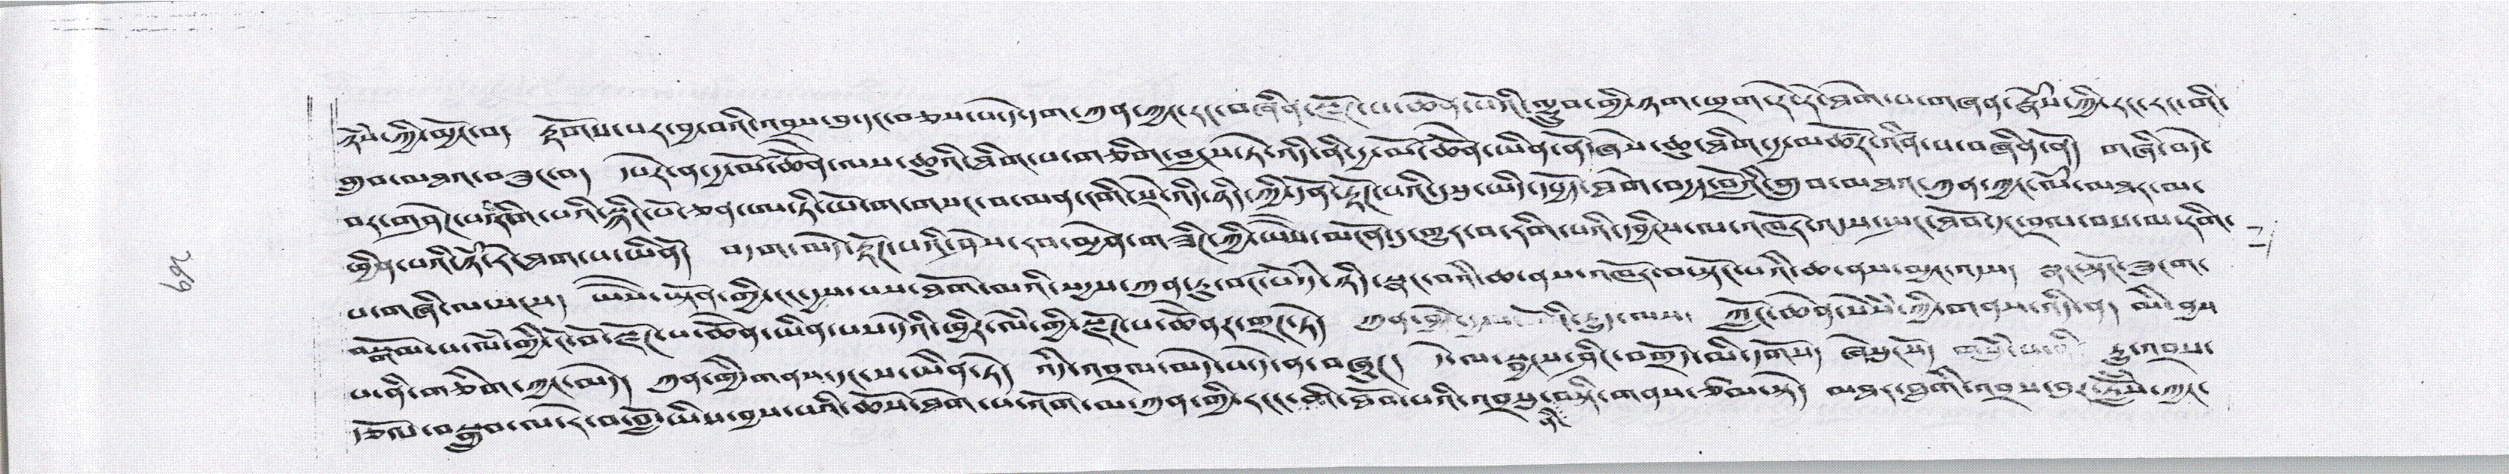ཉམས་ཀྱི་མྱོང་བ། རྟོགས་པར་བྱ་འབི་འབྲས་བུ་དང་བཅས་པ་དེ་དག་ཀུན་ཀྱང་རང་བཞིན་རྫོགས་པ་ཆེན་པོའི་ལྷུན་གྲུབ་གྱི་ཉག་ཕྲག་རེ་རེ་ཐེག་པ་གཞན་རྣམས་ཀྱི་རང་རང་གི་
གྲུབ་མཐའ་བཟུང་བ། དཔེར་ན་རྒྱ་མཚོ་ཆེན་པོ་ལས་ཆུའི་ཐིག་པ་གཅིག་བླངས་ཏེ་འདི་ནི་རྒྱ་མཚོ་ཆེན་པོ་ཡིན་ནོ་ཞེས་ཆུ་ཐིག་རྒྱ་མཚོར་འཛིན་པ་བཞིན་ནོ། གཞི་བདེ་
བར་གཤེགས་པ་རིག་པའི་སྙིང་པོ་ཅན་ཨ་ཏི་ཡོ་ག་གསལ་བ་མན་ངག་གི་སྡེ་འདི་ཉིད་ཀྱི་དོན་རྟོགས་པའི་དུས་སུ་ཡིད་དཔྱོད་ཐེག་བརྒྱད་བློའི་གྲུབ་མཐའ་ཀུན་ཀྱང་ལམ་མཐར་མ་
ཕྱིན་པའི་ཉམ་རེ་ཐག་པ་ཡིན་ནོ། བདག་མེད་རྟོགས་པའི་ཤེས་རབ་མཁྱེན་གཟིགས་ཀྱི་ཡེ་ཤེས་མངོན་དུ་གྱུར་བ་རིག་པའི་དབྱིངས་ལ་འཁོར་འདས་སྤང་ཐོབ་དང་བྲལ་བས་མ་རིག་
པ་གཞི་ལ་སངས། ཡེ་ཤེས་ཡོན་ཏན་གྱི་ངང་རྒྱས་པས་ཐོག་མའི་སངས་རྒྱས་ཀུན་ཏུ་བཟང་པོ་དེ་ཉིད་སྣང་བའི་ཆ་ནས་འཁོར་བ་སྟོང་པའི་ཆ་ནས་མྱང་འདས། སྣང་སྟོང་ཟུང་འཇུག་
བསྒོམ་པ་ལམ་གྱི་ངོ་བོ་རྫོགས་པ་ཆེན་པོ་ཡིན་པས་དེའི་ཕྱིར་ལམ་གྱི་རྫོགས་པ་ཆེན་པར་གྲགས་ཏེ། ཀུན་མཁྱེན་རྒྱལ་པོའི་རྒྱུད་ལས། ཀློང་ཆེན་སེམས་ཀྱི་གནས་འདི་ནི། མི་གནས་
པ་ནི་གཅིག་ཀྱང་མེད། ཀུན་གྱི་གནས་དང་ས་ཡིན་ཏེ། འདི་འབྲལ་མེད་པ་དེ་ན་བཞུགས། དེ་ལ་སྦྱངས་ཤིང་བགྲོད་མི་དགོས། ཞེས་གསུངས་སོ། གསུམ་པ་ནི་རྒྱུ་འབྲས་
རྩོལ་བསྒྲུབ་ལ་རེ་བ་བློ་ཡིས་བྱས་པའི་ཆོས་ཐེག་པ་འོག་མ་ཀུན་གྱི་རང་རང་གི་ཐོབ་པའི་འབྲས་བུ་ནི་བསྟི་གནས་ཙམ་སྟེ། མཐར་ཐུག་གི་འབྲས་བུར་རློམས་ཀྱང་